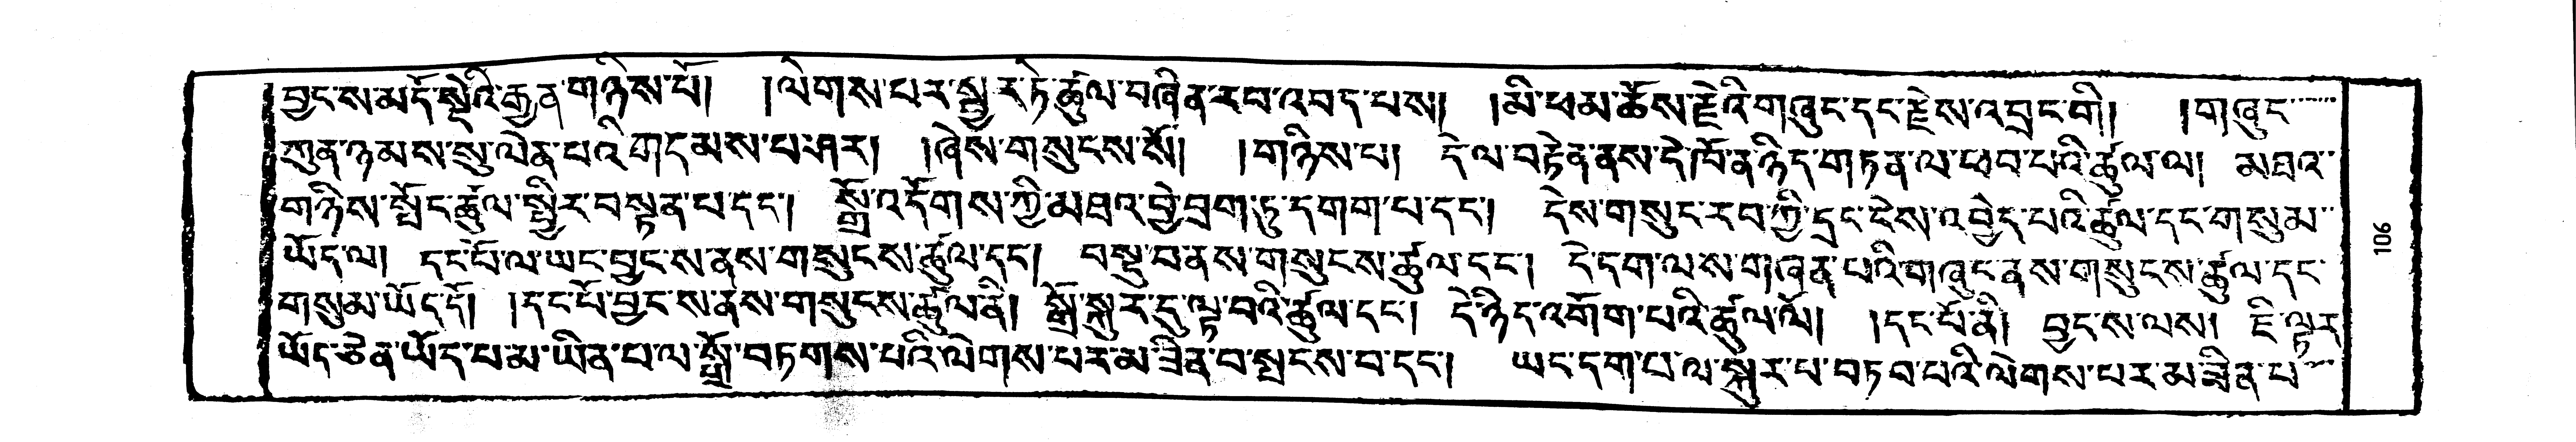བྱང་ས་མདོ་སྡེའི་རྒྱན་གཉིས་པོ། །ལེགས་པར་སྦྱར་ཏེ་ཚུལ་བཞིན་རབ་འབད་པས། །མི་ཕམ་ཆོས་རྗེའི་གཞུང་དང་རྗེས་འབྲང་གི །གཞུང་
ཀུན་ཉམས་སུ་ལེན་པའི་གདམས་པ་ཤར། །ཞེས་གསུངས་སོ། །གཉིས་པ། དེ་ལ་བརྟེན་ནས་དེ་ཁོ་ན་ཉིད་གཏན་ལ་ཕབ་པའི་ཚུལ་ལ། མཐའ་
གཉིས་སྤོང་ཚུལ་སྤྱིར་བསྟན་པ་དང་། སྒྲོ་འདོགས་ཀྱི་མཐའ་བྱེ་བྲག་ཏུ་དགག་པ་དང་། དེས་གསུང་རབ་ཀྱི་དྲང་ངེས་འབྱེད་པའི་ཚུལ་དང་གསུམ་
ཡོད་ལ། དང་པོ་ལ་ཡང་བྱང་ས་ནས་གསུངས་ཚུལ་དང་། བསྡུ་བ་ནས་གསུངས་ཚུལ་དང་། དེ་དག་ལས་གཞན་པའི་གཞུང་ནས་གསུངས་ཚུལ་དང་
གསུམ་ཡོད་དོ། །དང་པོ་བྱང་ས་ནས་གསུངས་ཚུལ་ནི། སྒྲོ་སྐུར་དུ་ལྟ་བའི་ཚུལ་དང་། དེ་ཉིད་འགོག་པའི་ཚུལ་ལོ། །དང་པོ་ནི། བྱང་ས་ལས། ཇི་ལྟར་
ཡོད་ཅེན་ཡོད་པ་མ་ཡིན་པ་ལ་སྒྲོ་བཏགས་པའི་ལེགས་པར་མ་ཟིན་པ་སྤངས་བ་དང་། ཡང་དག་པ་ལ་སྐུར་པ་བཏབ་པའི་ལེགས་པར་མ་ཟིན་པ་